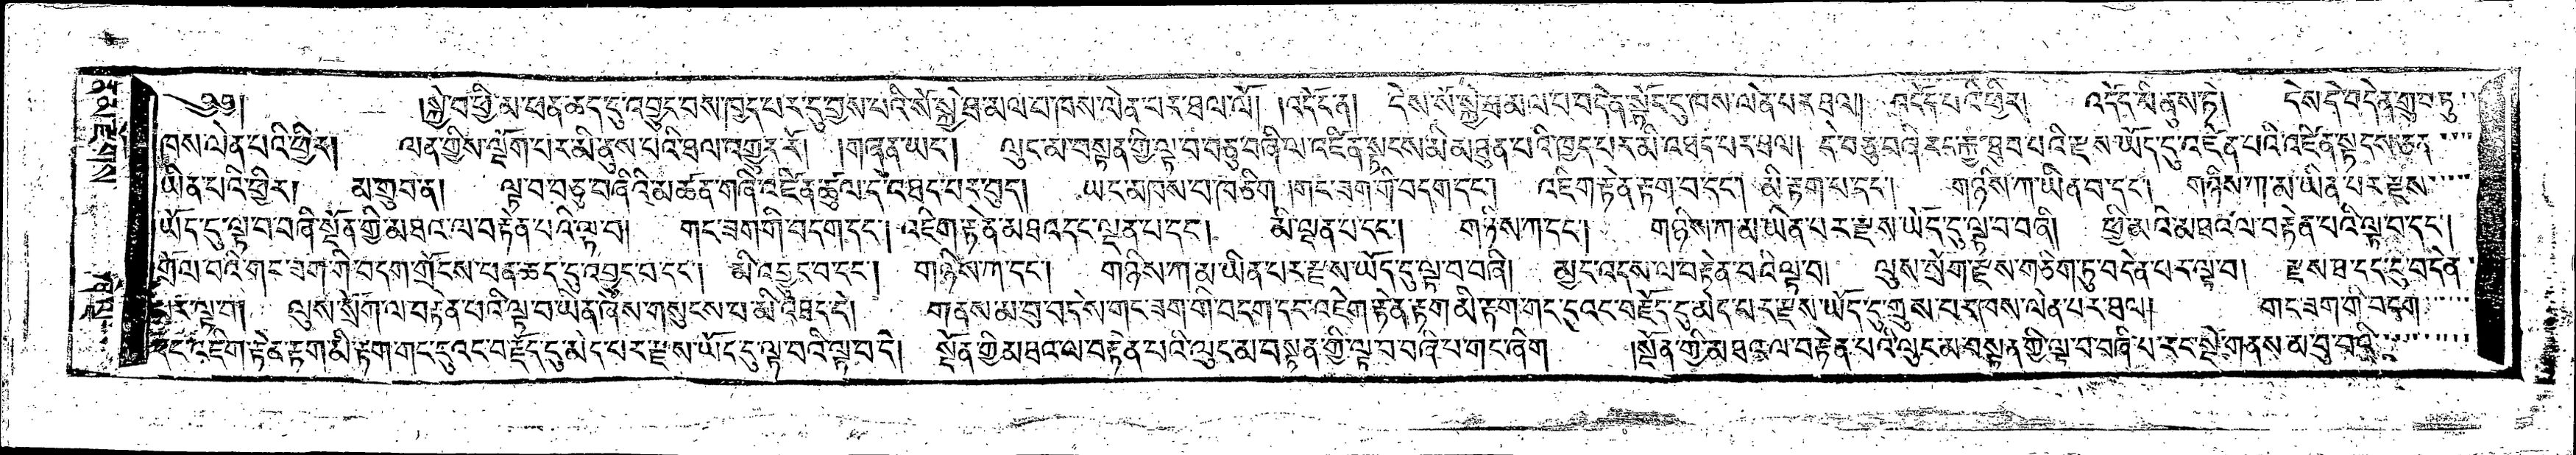༄༅། །སྐྱེ་བ་ཕྱི་མ་ཕན་ཆད་དུ་འབྱུང་བས་ཁྱད་པར་དུ་བྱས་པའི་སོ་སྐྱེ་ཐ་མལ་པ་ཁས་ལེན་པར་ཐལ་ལོ། །འདོད་ན། དེས་སོ་སྐྱེ་ཐ་མལ་པ་བདེན་སྟོང་དུ་ཁས་ལེན་པར་ཐལ། འདོད་པའི་ཕྱིར། འདོད་མི་ནུས་ཏེ། དེས་དེ་བདེན་གྲུབ་ཏུ་
ཁས་ལེན་པའི་ཕྱིར། ལན་གྱིས་ལྡོག་པར་མི་ནུས་པའི་ཐལ་འགྱུར་རོ། །གཞན་ཡང་། ལུང་མ་བསྟན་གྱི་ལྟ་བ་བཅུ་བཞི་ལ་འཛིན་སྟངས་མི་མཐུན་པའི་ཁྱད་པར་མི་འཐད་པར་ཐལ། དེ་བཅུ་བཞི་རང་རྐྱ་ཐུབ་པའི་རྫས་ཡོད་དུ་འཛིན་པའི་འཛིན་སྟངས་ཅན་
ཡིན་པའི་ཕྱིར། མ་གྲུབ་ན། ལྟ་བ་བཅུ་བཞིའི་མཚན་གཞི་འཛིན་ཚུལ་དེ་འཐད་པར་བུད། ཡང་མཁས་པ་ཁ་ཅིག །གང་ཟག་གི་བདག་དང་། འཇིག་རྟེན་རྟག་པ་དང་། མི་རྟག་པ་དང་། གཉིས་ཀ་ཡིན་པ་དང་། གཉིས་ཀ་མ་ཡིན་པར་རྫས་
ཡོད་དུ་ལྟ་བ་བཞི་སྔོན་གྱི་མཐའ་ལ་བརྟེན་པའི་ལྟ་བ། གང་ཟག་གི་བདག་དང་། འཇིག་རྟེན་མཐའ་དང་ལྡན་པ་དང་། མི་ལྡན་པ་དང་། གཉིས་ཀ་དང་། གཉིས་ཀ་མ་ཡིན་པར་རྫས་ཡོད་དུ་ལྟ་བ་བཞི། ཕྱི་མའི་མཐའ་ལ་བརྟེན་པའི་ལྟ་བ་དང་།
གྲོལ་བའི་གང་ཟག་གི་བདག་གྲོངས་ཕན་ཆད་དུ་འབྱུང་བ་དང་། མི་འབྱུང་བ་དང་། གཉིས་ཀ་དང་། གཉིས་ཀ་མ་ཡིན་པར་རྫས་ཡོད་དུ་ལྟ་བ་བཞི། མྱང་འདས་ལ་བརྟེན་པའི་ལྟ་བ། ལུས་སྲོག་རྫས་གཅིག་ཏུ་བདེན་པར་ལྟ་བ། རྫས་ཐ་དད་དུ་བདེན་
པར་ལྟ་བ། ལུས་སྲོག་ལ་བརྟེན་པའི་ལྟ་བ་ཡིན་ཞེས་གསུངས་པ་མི་འཐད་དེ། གནས་མ་བུ་བ་དེས་གང་ཟག་གི་བདག་དང་འཇིག་རྟེན་རྟག་མི་རྟག་གང་དུའང་བརྗོད་དུ་མེད་པར་རྫས་ཡོད་དུ་གྲུབ་པར་ཁས་ལེན་པར་ཐལ། གང་ཟག་གི་བདག་
དང་འཇིག་རྟེན་རྟག་མི་རྟག་གང་དུའང་བརྗོད་དུ་མེད་པར་རྫས་ཡོད་དུ་ལྟ་བའི་ལྟ་བ་དེ། སྔོན་གྱི་མཐའ་ལ་བརྟེན་པའི་ལུང་མ་བསྟན་གྱི་ལྟ་བ་བཞི་པ་གང་ཞིག །སྔོན་གྱི་མཐའ་ལ་བརྟེན་པའི་ལུང་མ་བསྟན་གྱི་ལྟ་བ་བཞི་པ་རང་སྡེ་གནས་མ་བུ་བའི་